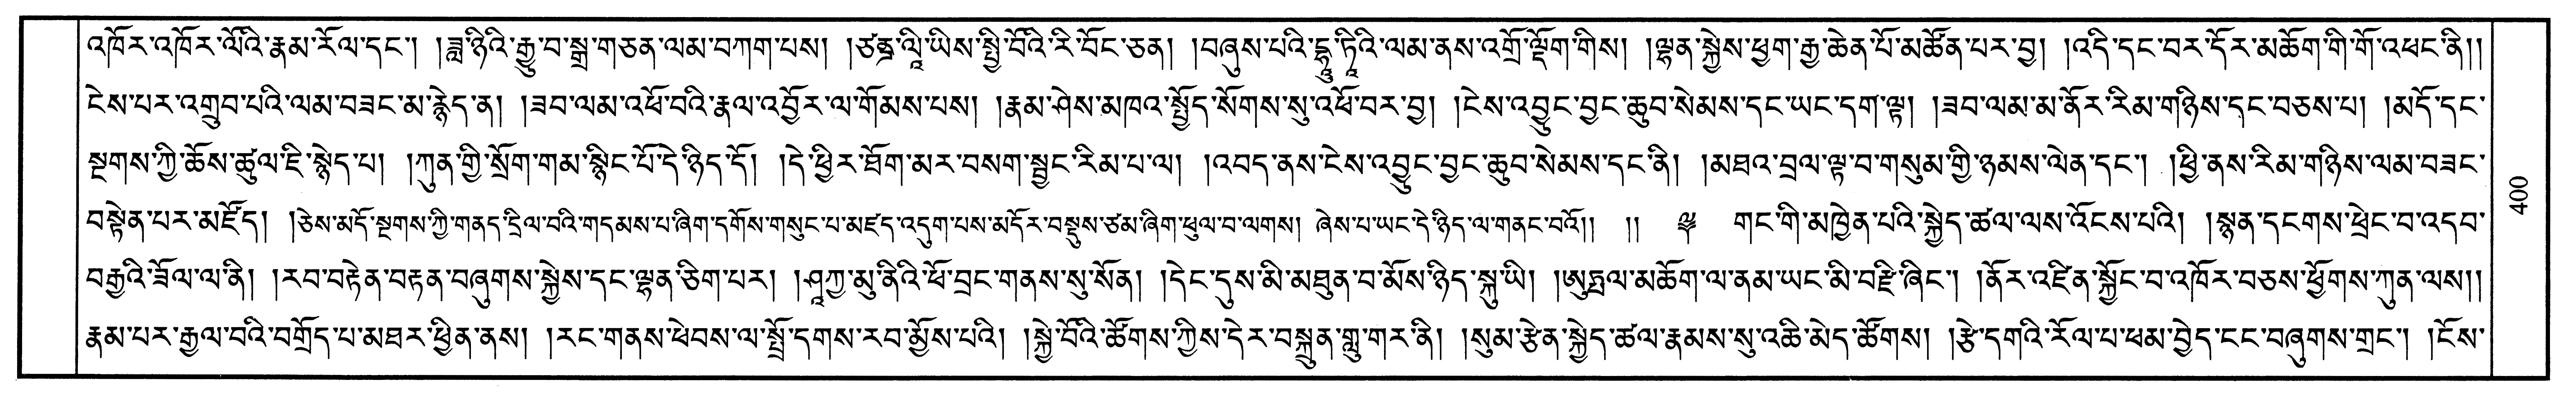འཁོར་འཁོར་ལོའི་རྣམ་རོལ་དང་། །ཟླ་ཉིའི་རྒྱུ་བ་སྒྲ་གཅན་ལམ་བཀག་པས། །ཙནྜ་ལཱི་ཡིས་སྤྱི་བོའི་རི་བོང་ཅན། །བཞུས་པའི་དྷཱུ་ཏཱིའི་ལམ་ནས་འགྲོ་ལྡོག་གིས། །ལྷན་སྐྱེས་ཕྱག་རྒྱ་ཆེན་པོ་མཚོན་པར་བྱ། །འདི་དང་བར་དོར་མཆོག་གི་གོ་འཕང་ནི།།
ངེས་པར་འགྲུབ་པའི་ལམ་བཟང་མ་རྙེད་ན། །ཟབ་ལམ་འཕོ་བའི་རྣལ་འབྱོར་ལ་གོམས་པས། །རྣམ་ཤེས་མཁའ་སྤྱོད་སོགས་སུ་འཕོ་བར་བྱ། །ངེས་འབྱུང་བྱང་ཆུབ་སེམས་དང་ཡང་དག་ལྟ། །ཟབ་ལམ་མ་ནོར་རིམ་གཉིས་དང་བཅས་པ། །མདོ་དང་
སྔགས་ཀྱི་ཆོས་ཚུལ་ཇི་སྙེད་པ། །ཀུན་གྱི་སྲོག་གམ་སྙིང་པོ་དེ་ཉིད་དོ། །དེ་ཕྱིར་ཐོག་མར་བསག་སྦྱང་རིམ་པ་ལ། །འབད་ནས་ངེས་འབྱུང་བྱང་ཆུབ་སེམས་དང་ནི། །མཐའ་བྲལ་ལྟ་བ་གསུམ་གྱི་ཉམས་ལེན་དང་། །ཕྱི་ནས་རིམ་གཉིས་ལམ་བཟང་
བསྟེན་པར་མཛོད། །ཅེས་མདོ་སྔགས་ཀྱི་གནད་དྲིལ་བའི་གདམས་པ་ཞིག་དགོས་གསུང་པ་མཛད་འདུག་པས་མདོར་བསྡུས་ཙམ་ཞིག་ཕུལ་བ་ལགས། ཞེས་པ་ཡང་དེ་ཉིད་ལ་གནང་བའོ།། །། ༈ གང་གི་མཁྱེན་པའི་སྐྱེད་ཚལ་ལས་འོངས་པའི། །སྙན་དངགས་ཕྲེང་བ་འདབ་
བརྒྱའི་ཟོལ་ལ་ནི། །རབ་བརྟེན་བརྟན་བཞུགས་སྐྱེས་དང་ལྷན་ཅིག་པར། །ཤཱཀྱ་མུ་ནིའི་ཕོ་བྲང་གནས་སུ་སོན། །དེང་དུས་མི་མཐུན་བ་མོས་ཉིད་སྐུ་ཡི། །ཨུཏྤལ་མཆོག་ལ་ནམ་ཡང་མི་བརྫི་ཞིང་། །ནོར་འཛིན་སྐྱོང་བ་འཁོར་བཅས་ཕྱོགས་ཀུན་ལས།།
རྣམ་པར་རྒྱལ་བའི་བགྲོད་པ་མཐར་ཕྱིན་ནས། །རང་གནས་ཕེབས་ལ་སྤྲོ་དགས་རབ་མྱོས་པའི། །སྐྱེ་བོའི་ཚོགས་ཀྱིས་དེར་བསྐྲུན་གླུ་གར་ནི། །སུམ་རྩེན་སྐྱེད་ཚལ་རྣམས་སུ་འཆི་མེད་ཚོགས། །རྩེ་དགའི་རོལ་པ་ཕམ་བྱེད་ངང་བཞུགས་གྲང་། །ངོས་